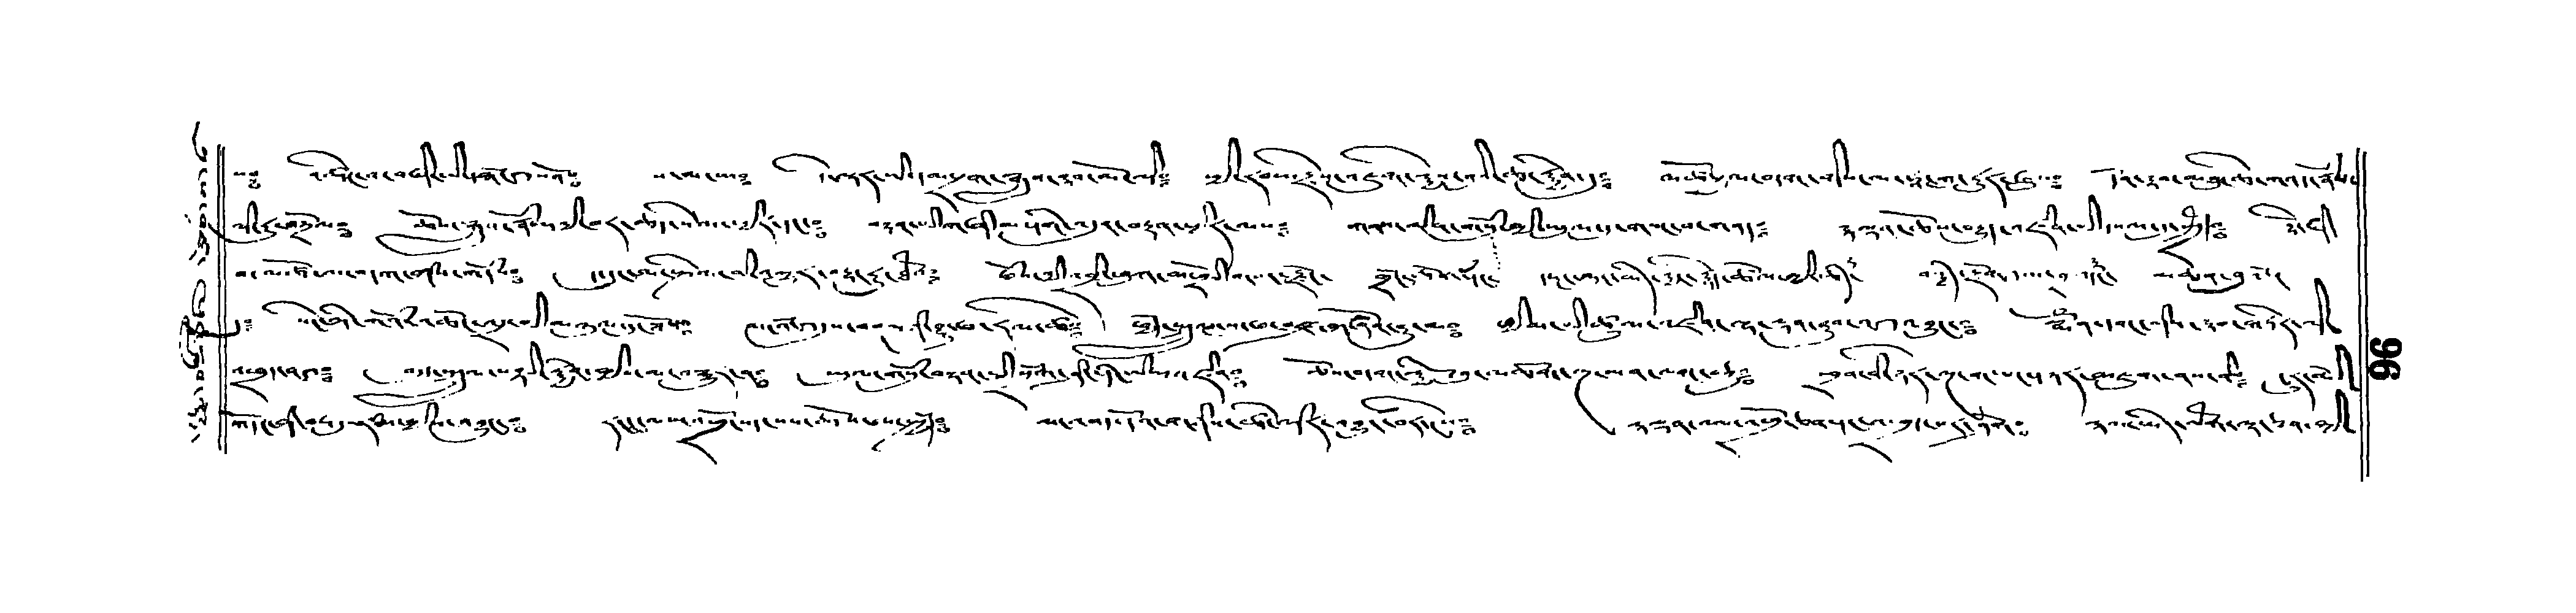པ༔ འཚེངས་བ་བཞི་ཡི་དགོངས་པའོ༔ ས་མ་ཡ༔ དེ་ལྟར་ཡི་དམ་དྲག་སྒྲུབ་ཟབ་མོ་འདི༔ ཕྱི་རབས་རྗེས་འཇུག་སྐྱེས་བུའི་ཆ་རྐྱེན་དུ༔ མཚོ་རྒྱལ་བདག་གིས་མ་ཧཱ་གུ་རུར་ཞུས༔ དོན་ཟབ་མཐུ་ཆེ་གནད་རྣམས་
འདི་རུ་བཀྲོལ༔ ཆོས་སྒྲུབ་རྣམས་ཀྱི་བར་ཆད་སེལ་ཕྱིར་དང༔ བསྟན་པའི་གཞི་མ་དགེ་འདུན་བརྟན་ཕྱིར་ལས༔ གནས་མིན་གསུམ་གྱི་ཡུལ་དུ་གསང་བ་གནད༔ སྐལ་ལྡན་ཆོས་བརྒྱུད་འཇིན་པའི་དཔལ་དུ་སྤྲོད༔ རྡོ་རྗེ་ཞི་
བ་མཚོ་ལ་བདག་གིས་གདམས༔ ད་དུང་མ་སྤེལ་མི་འགྱུར་བརྡ་རུ་ཐོབ༔ཁམས་ཀྱི་འབྲི་ཕུག་མཁའ་འགྲོའི་གསང་རྫོང གྲོང་ཚོགས་དང་ ད་ལྟ་མེད་ཀྱང་རྙེད་ཚོལ་གྱི་ཆེད་ བསྐྱེད་རྫོགས་ལམ་འབྲས་དང་ མཆན་བུའོ། 
དུ༔ སེང་གི་གནམ་འཆོང་འདྲ་བའི་མགུལ་དུ་སྦོས༔ མ་འོངས་དུས་བབས་ཉི་ཤུ་ཁ་རལ་ཚེ༔ ཁྱོད་སྤྲུལ་སུ་ཁ་བཛྲ་གཞོན་ནུ་མ༔ ཁྱིམ་པའི་ཚུལ་འཛིན་ལྷ་ལྡན་ནུབ་ནས་འབྱུང༔ སྨོན་ལམ་དབང་གིས་ཟབ་གཏེར་འདི་
འཕྲད་ནས༔ བདུད་སྤྲུལ་སཔྟའི་རྐྱེན་གྱིས་མ་བསྒྱུར་ན༔ ཡུལ་གསུམ་བསྟན་པའི་སྲོག་ཤིང་དེ་ཡིས་འཛིན༔ ཆོས་བདག་སྐྱེས་བུ་མཆོག་ལྔ་ཡན་ལག་བཅུ༔ ཕྲན་ནི་ཉེར་ལྔ་གཡང་དཀར་མཇུག་ནས་ནི༔ ངུར་མོའི་
གདོང་གི་བར་དུ་རིམ་གྱིས་འབྱུང༔ རང་རང་ལས་འཕྲོ་སད་པས་ཆོས་ལ་སྤྱོད༔ མ་འབད་དོན་གཉིས་ཚེ་འདིར་འབྱུང་བར་ངེས༔ སྐལ་ལྡན་ལས་འཕྲོ་ཅན་དང་འཕྲད་པར་ཤོག༔ སྐལ་མེད་ལོག་ལྟ་ཅན་གྱི་